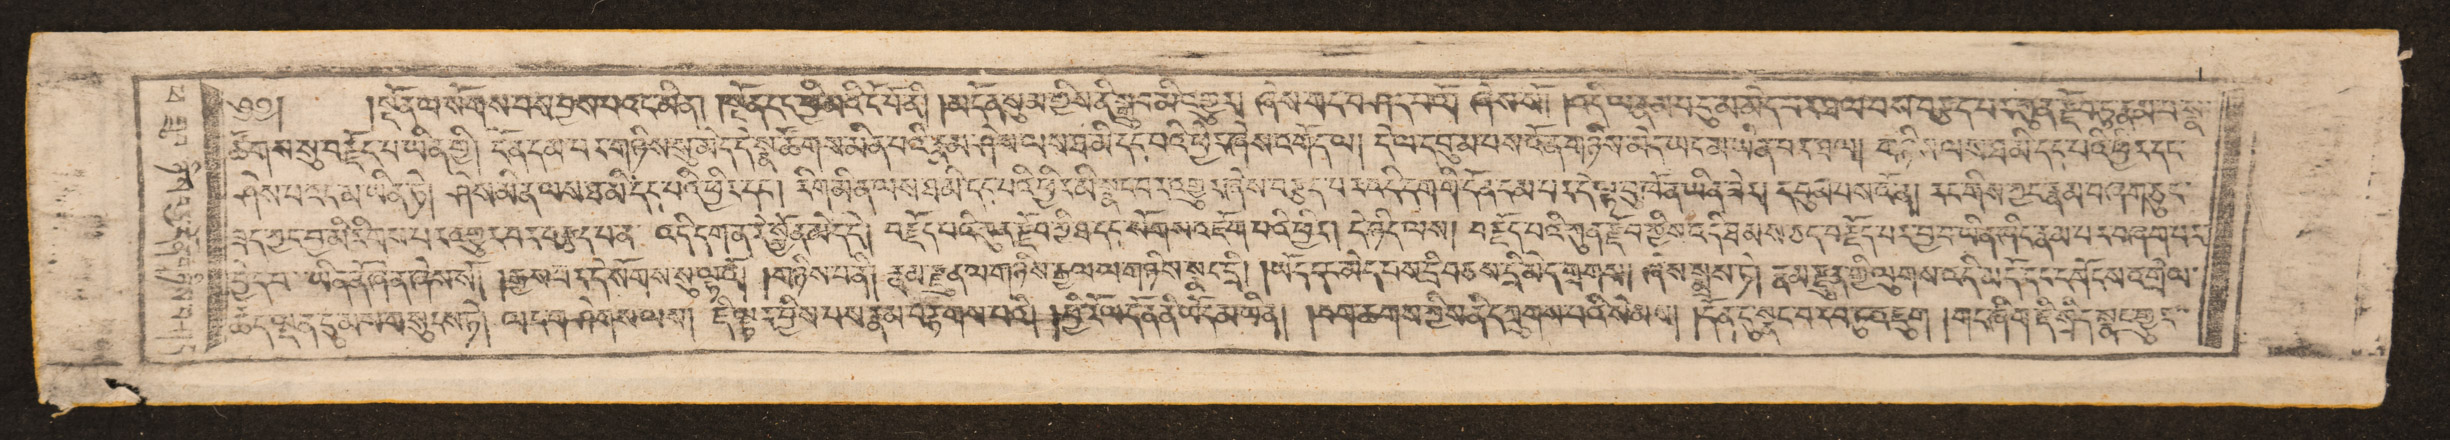༄༅། །སྔོན་ལ་སོགས་པས་བྱས་པ་འང་མིན། །སྔོན་དང་ཕྱི་མའི་ངོ་བོ་ནི། །མངོན་སུམ་གྱིས་ནི་སྒྲུབ་མི་འགྱུར། ཞེས་གང་བཤད་པའོ། ཞེས་སོ། །འདི་ལ་རྣམ་པ་དུ་མ་མེད་པར་ཐལ་བས་བརྩད་པར་ཀུན་རྫོབ་ཏུ་རྣམ་པ་སྣ་
ཚོགས་སུ་བརྗོད་པ་ཡིན་གྱི། དོན་དམ་པར་གཉིས་སུ་མེད་དེ་སྣ་ཚོགས་མིན་པའི་རྣམ་ཤེས་ལས་ཐ་མི་དད་པའི་ཕྱིར་ཞེས་འགོད་ལ། དེ་ལ་དབུ་མ་པས་འོ་ན་གཉིས་མེད་ཡང་མ་ཡིན་པར་ཐལ། གཉིས་ལས་ཐ་མི་དད་པའི་ཕྱིར་དང་
ཤེས་པའང་མ་ཡིན་ཏེ། ཤེས་མིན་ལས་ཐ་མི་དད་པའི་ཕྱིར་དང་། རིག་མིན་ལས་ཐ་མི་དད་པའི་ཕྱིར་མི་སྣང་བར་འགྱུར་ཞེས་བརྩད་པར་འདི་དག་གི་དོན་དམ་པར་དེ་ལྟ་བུ་ཁོ་ན་ཡིན་ཟེར། དབུམ་བས་འོ་ན། རང་གིས་ཀྱང་རྣམ་བཞག་ཅུང་
ཟད་ཀྱང་བྱ་མི་རིགས་པར་འགྱུར་བར་བརྩད་པ་ན། འདི་དག་ན་རེ་སྐྱོན་མེད་དེ། བརྗོད་པའི་ཀུན་རྫོབ་ཀྱི་ཐ་དད་སོགས་འཇོག་པའི་ཕྱིར། དེ་ཉིད་ལས། བརྗོད་པའི་ཀུན་རྫོབ་ཀྱིས་འདི་ཐམས་ཅད་བརྗོད་པར་བྱ་བ་ཡིན་ཞིང་རྣམ་པར་བཞག་པར་
བྱེད་པ་ཡིན་ནོ་ཞེན་ཞེས་སོ། །རྒྱས་པར་དེ་སོགས་སུ་ལྟའོ། །གཉིས་པ་ནི། རྣམ་རྫུན་ལ་གཉིས་རྒྱལ་ལ་གཉིས་སྣང་དྲི། །ཡོད་དང་མེད་པས་དྲི་བཅས་དྲི་མེད་གྲགས། ཞེས་སྨྲས་ཏེ། རྣམ་རྫུན་གྱི་ལུགས་འདི་མདོ་དང་དགོངས་འགྲེལ་
ཚད་ལྡན་དུ་མས་གསུངས་ཏེ། ལང་གཤེགས་ལས། ཇི་ལྟར་བྱིས་པས་རྣམ་བརྟགས་པའི། །ཕྱི་རོལ་དོན་ནི་ཡོད་མ་ཡིན། །བག་ཆགས་ཀྱིས་ནི་དཀྲུགས་པའི་སེམས། །དོན་དུ་སྣང་བ་རབ་ཏུ་འཇུག །གང་ཞིག་ཇི་སྲིད་སྣང་གྱུར་